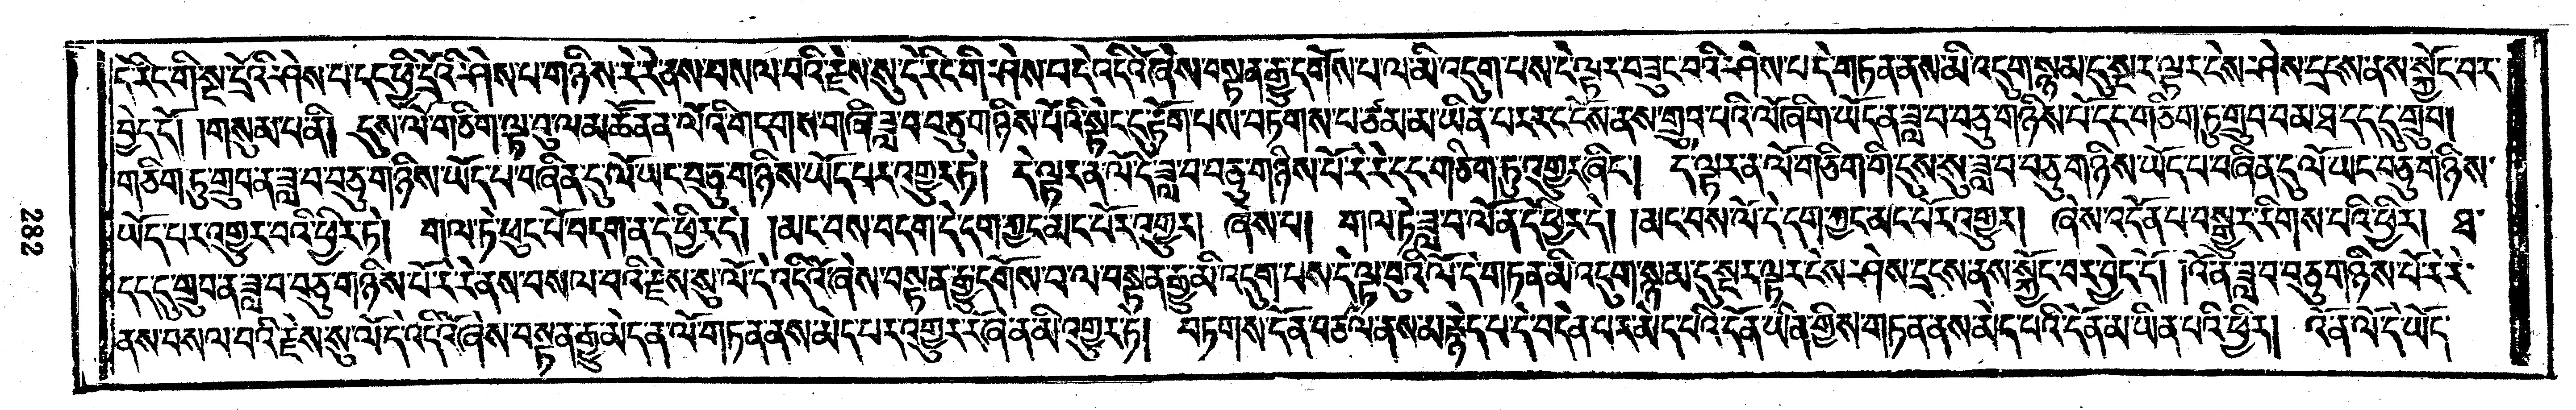དེ་རིང་གི་སྔ་དྲོའི་ཤེས་པ་དང་ཕྱི་དྲོའི་ཤེས་པ་གཉིས་རེ་རེ་ནས་བསལ་བའི་རྗེས་སུ་དེ་རིང་གི་ཤེས་བདེ་འདིའོ་ཞེས་བསྟན་རྒྱུ་དགོས་པ་ལ་མི་འདུག་པས་དེ་ལྟར་བཟུང་བའི་ཤེས་པ་དེ་གཏན་ནས་མི་འདུག་སྙམ་དུ་སྔར་ལྟར་ངེས་ཤེས་དྲངས་ནས་སྐྱོང་བར་
བྱེད་དོ། །གསུམ་པ་ནི། དུས་ལོ་གཅིག་ལྟ་བུ་ལ་མཚོན་ན་ལོའི་གདགས་གཞི་ཟླ་བ་བཅུ་གཉིས་པོའི་སྟེང་དུ་རྟོག་པས་བཏགས་པ་ཙམ་མ་ཡིན་པར་རང་ངོས་ནས་གྲུབ་པའི་ལོ་ཞིག་ཡོད་ན་ཟླ་བ་བཅུ་གཉིས་པོ་དང་གཅིག་ཏུ་གྲུབ་བམ་ཐ་དད་དུ་གྲུབ།
གཅིག་ཏུ་གྲུབ་ན་ཟླ་བ་བཅུ་གཉིས་ཡོད་པ་བཞིན་དུ་ལོ་ཡང་བཅུ་གཉིས་ཡོད་པར་འགྱུར་ཏེ། དེ་ལྟར་ན་ལོ་དེ་ཟླ་བ་བཅུ་གཉིས་པོ་རེ་རེ་དང་གཅིག་ཏུ་འགྱུར་ཞིང་། དེ་ལྟར་ན་ལོ་གཅིག་གི་དུས་སུ་ཟླ་བ་བཅུ་གཉིས་ཡོད་པ་བཞིན་དུ་ལོ་ཡང་བཅུ་གཉིས་
ཡོད་པར་འགྱུར་བའི་ཕྱིར་ཏེ། གལ་ཏེ་ཕུང་པོ་བདག་ན་དེ་ཕྱིར་དེ། །མང་བས་བདག་དེ་དག་ཀྱང་མང་པོར་འགྱུར། ཞེས་པ། གལ་ཏེ་ཟླ་བ་ལོ་ན་དེ་ཕྱིར་དེ། །མང་བས་ལོ་དེ་དག་ཀྱང་མང་པོར་འགྱུར། ཞེས་འདོན་པ་བསྒྱུར་རིགས་པའི་ཕྱིར། ཐ་
དད་དུ་གྲུབ་ན་ཟླ་བ་བཅུ་གཉིས་པོ་རེ་རེ་ནས་བསལ་བའི་རྗེས་སུ་ལོ་དེ་འདིའོ་ཞེས་བསྟན་རྒྱུ་དགོས་བ་ལ་བསྟན་རྒྱུ་མི་འདུག་པས་དེ་ལྟ་བུའི་ལོ་དེ་གཏན་མི་འདུག་སྙམ་དུ་སྔར་ལྟར་ངེས་ཤེས་དྲངས་ནས་སྐྱོང་བར་བྱེད་དོ། །འོ་ན་ཟླ་བ་བཅུ་གཉིས་པོ་རེ་རེ་
ནས་བསལ་བའི་རྗེས་སུ་ལོ་དེ་འདིའོ་ཞེས་བསྟན་རྒྱུ་མེད་ན་ལོ་གཏན་ནས་མེད་པར་འགྱུར་རོ་ཞེ་ན་མི་འགྱུར་ཏེ། བཏགས་དོན་བཙལ་ནས་མ་རྙེད་པ་དེ་བདེན་པར་མེད་པའི་དོན་ཡིན་གྱིས་གཏན་ནས་མེད་པའི་དོན་མ་ཡིན་པའི་ཕྱིར། འོ་ན་ལོ་དེ་ཡོད་